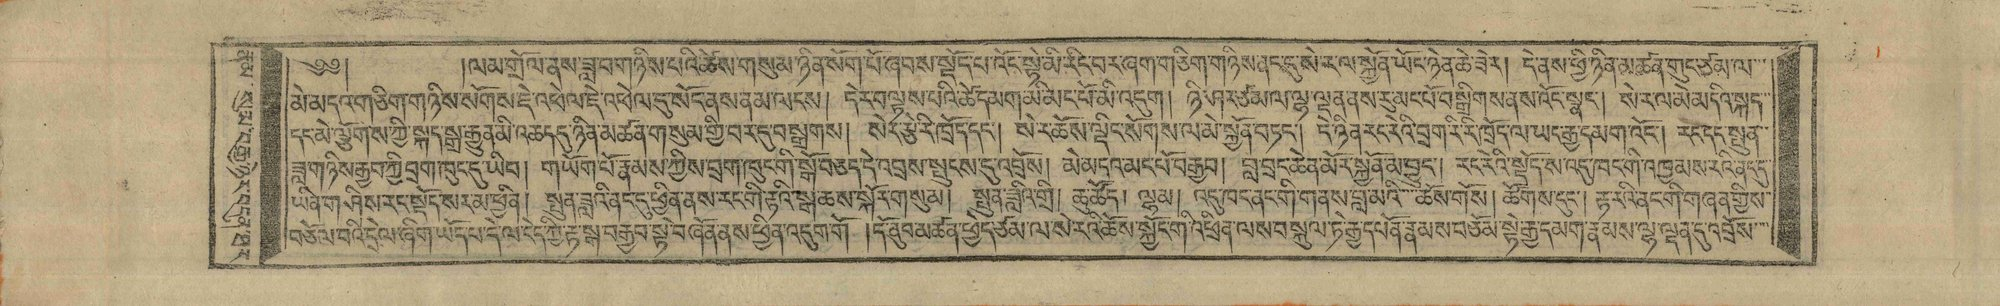༄༅། །ལམ་གྲོལ་ནས་ཟླ་བ་གཉིས་པའི་ཚེས་གསུམ་ཉིན་སོག་པོ་ཞབས་སྡོད་པ་འོང་སྟེ་མི་རིང་བར་ཞག་གཅིག་གཉིས་ནང་དུ་སེ་ར་ལ་སྐྱོན་ཡོང་ཉེན་ཆེ་ཟེར། དེ་ནས་ཕྱི་ཉིན་མཚན་གུང་ཙམ་ལ་
མེ་མདའ་གཅིག་གཉིས་སོགས་ཇེ་འཕེལ་ཇེ་འཕེལ་དུ་སོང་ནས་ནམ་ལངས། དེར་བལྟས་པའི་ཚེ་དམག་མི་མང་པོ་མི་འདུག །ཉི་ཤར་ཙམ་ལ་ལྷ་ལྡན་ནས་རུ་མང་པོ་བསྒྲིགས་ནས་འོང་སྣང་། སེ་ར་ལ་མེ་མདའི་སྐད་
དང་མེ་ལྕོགས་ཀྱི་སྐད་སྒྲ་རྒྱུན་མི་འཆད་དུ་ཉིན་མཚན་གསུམ་གྱི་བར་དུ་བསྒྲགས། སེར་རྩེ་རི་ཁྲོད་དང་། སེ་ར་ཆོས་ལྡིང་སོགས་ལ་མེ་སྐྱོན་བཏང་། དེ་ཉིན་རང་རེའི་བྲག་རི་རི་ཁྲོད་ལ་ཡང་རྒྱ་དམག་འོང་། རང་དང་སྤུན་
ཟླ་གཉིས་རྒྱབ་ཀྱི་བྲག་ཁུང་དུ་ཡིབ། གཡོག་པོ་རྣམས་ཀྱིས་བྲག་ཁུང་གི་སྒོ་བཅད་དེ་འབྲས་སྤུངས་དུ་འབྲོས། མེ་མདའ་མང་པོ་བརྒྱབ། བླ་བྲང་ཆེན་མོར་སྐྱོན་མ་བྱུང་། རང་རེའི་སྡོད་ས་འདུ་ཁང་གི་འཁྱམས་རའི་ནང་དུ་
ཡིན་གཤིས་རང་སྡོད་སར་མ་ཕྱིན། སྤུན་ཟླའི་ནང་དུ་ཕྱིན་ནས་རང་གི་རྟའི་སྒ་ཆས་སྐོར་གསུམ། སྤུན་ཟླའི་གྲི། ཆུ་ཚོད། ལྷམ། འདུ་ཁང་ནང་གི་གནས་བླ་མའི་ཆོས་གོས། ཚོགས་དུང་། རྟ་རའི་ནང་གི་གཞན་གྱིས་
བཅོལ་བའི་དྲེལ་ཞིག་ཡོད་པ་དེ་ལ་ངེད་ཀྱི་རྟ་སྒ་བརྒྱབ་སྟེ་བཞོན་ནས་ཕྱིན་འདུག་གོ །དོ་ནུབ་མཚན་ཕྱེད་ཙམ་ལ་སེ་རའི་ཆོས་སྐྱོང་གི་འཕྲིན་ལས་བསྐུལ་ཏེ་རྒྱ་དཔོན་རྣམས་བཅོམ་སྟེ་རྒྱ་དམག་རྣམས་ལྷ་ལྡན་དུ་འབྲོས་